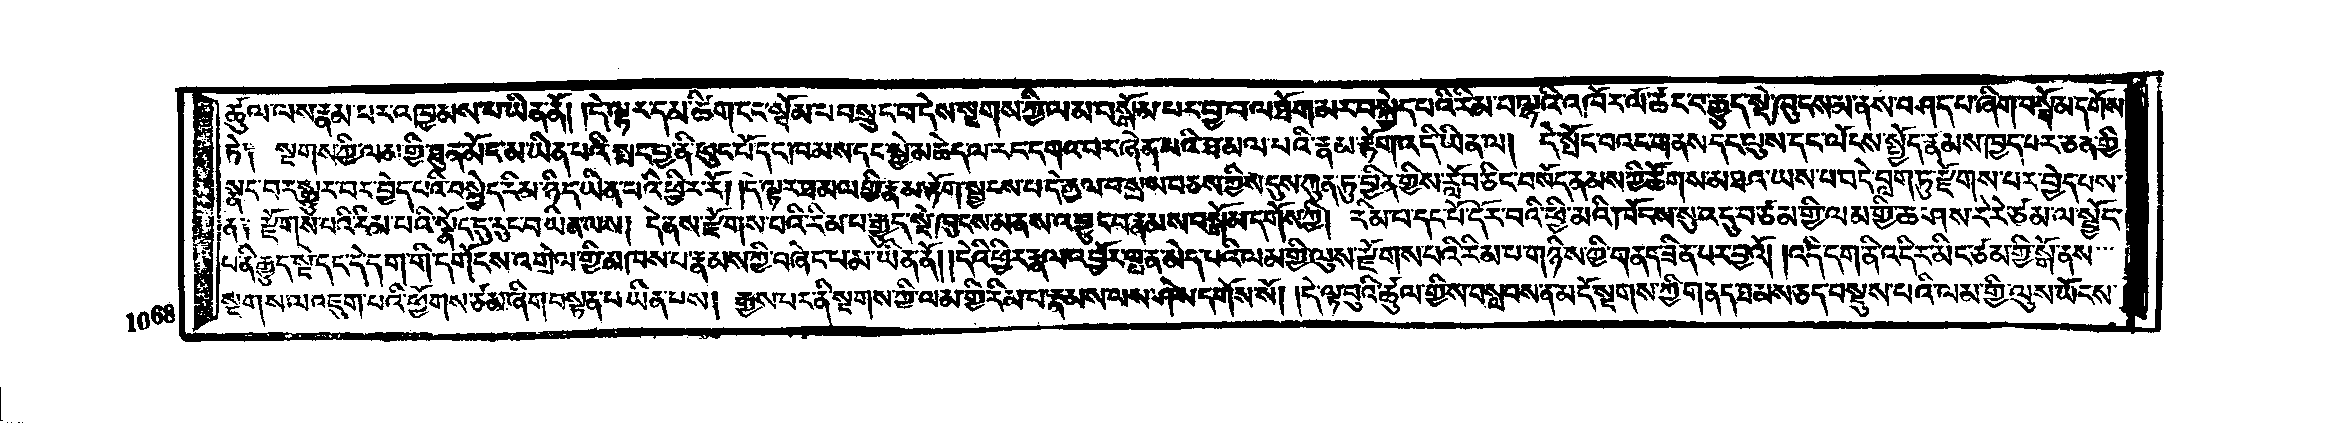ཚུལ་ལས་རྣམ་པར་འཁྱམས་པ་ཡིན་ནོ། །དེ་ལྟར་དམ་ཚིག་དང་སྡོམ་པ་བསྲུང་བ་དེས་སྔགས་ཀྱི་ལམ་བསྒོམ་པར་བྱ་བ་ལ་ཐོག་མར་བསྐྱེད་པའི་རིམ་པ་ལྷའི་འཁོར་ལོ་ཚང་བ་རྒྱུད་སྡེ་ཁུངས་མ་ནས་བཤད་པ་ཞིག་བསྒོམ་དགོས་
ཏེ༑ སྔགས་ཀྱི་ལམ་གྱི་ཐུན་མོང་མ་ཡིན་པའི་སྤང་བྱ་ནི་ཕུང་པོ་དང་ཁམས་དང་སྐྱེ་མཆེད་ལ་རང་དགའ་བར་ཞེན་པའི་ཐ་མལ་པའི་རྣམ་རྟོག་འདི་ཡིན་ལ། དེ་སྤོང་བའང་གནས་དང་ལུས་དང་ལོངས་སྤྱོད་རྣམས་ཁྱད་པར་ཅན་གྱི་
སྣང་བར་སྒྱུར་བར་བྱེད་པའི་བསྐྱེད་རིམ་ཉིད་ཡིན་པའི་ཕྱིར་རོ། །དེ་ལྟར་ཐ་མལ་གྱི་རྣམ་རྟོག་སྦྱངས་པ་དེ་རྒྱལ་བ་སྲས་བཅས་ཀྱིས་དུས་ཀུན་ཏུ་བྱིན་གྱིས་རློབ་ཅིང་བསོད་ནམས་ཀྱི་ཚོགས་མཐའ་ཡས་པ་བདེ་བླག་ཏུ་རྫོགས་པར་བྱེད་པས་
ན༑ རྫོགས་པའི་རིམ་པའི་སྣོད་དུ་རུང་བ་ཡིན་པས། དེ་ནས་རྫོགས་པའི་རིམ་པ་རྒྱུད་སྡེ་ཁུངས་མ་ནས་འབྱུང་བ་རྣམས་བསྒོམ་དགོས་ཀྱི། རིམ་པ་དང་པོ་དོར་བའི་ཕྱི་མའི་ཁོངས་སུ་འདུ་བ་ཙམ་གྱི་ལམ་གྱི་ཆ་ཤས་རེ་རེ་ཙམ་ལ་སྦྱོང་
བ་ནི་རྒྱུད་སྡེ་དང་དེ་དག་གི་དགོངས་འགྲེལ་གྱི་མཁས་པ་རྣམས་ཀྱི་བཞེད་པ་མ་ཡིན་ནོ། །དེའི་ཕྱིར་རྣལ་འབྱོར་བླ་ན་མེད་པའི་ལམ་གྱི་ལུས་རྫོགས་པའི་རིམ་པ་གཉིས་ཀྱི་གནད་ཟིན་པར་བྱའོ། །འདི་དག་ནི་འདིར་མིང་ཙམ་གྱི་སྒོ་ནས་
སྔགས་ལ་འཇུག་པའི་ཕྱོགས་ཙམ་ཞིག་བསྟན་པ་ཡིན་པས། རྒྱས་པར་ནི་སྔགས་ཀྱི་ལམ་གྱི་རིམ་པ་རྣམས་ལས་ཤེས་དགོས་སོ། །དེ་ལྟ་བུའི་ཚུལ་གྱིས་བསླབས་ན་མདོ་སྔགས་ཀྱི་གནད་ཐམས་ཅད་བསྡུས་པའི་ལམ་གྱི་ལུས་ཡོངས་